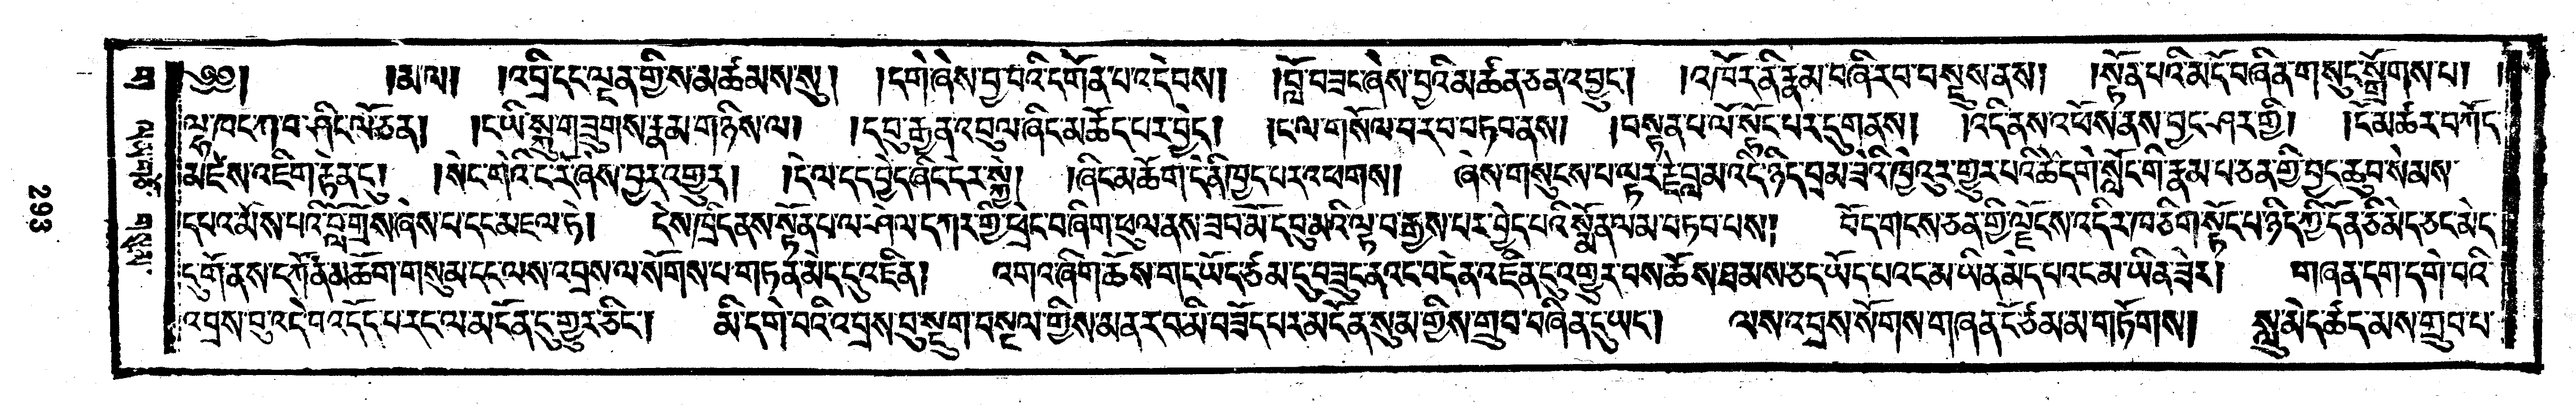༄༅། །མ་ལ། །འབྲི་དང་ལྡན་གྱིས་མཚམས་སུ། །དགེ་ཞེས་བྱ་བའི་དགོན་པ་འདེབས། །བློ་བཟང་ཞེས་བྱའི་མཚན་ཅན་འབྱུང་། །འཁོར་ནི་རྣམ་བཞི་རབ་བསྡུས་ནས། །སྟོན་པའི་མདོ་བཞིན་གསུང་སྒྲོགས་པ། །
ལྷ་ཁང་ཀ་བ་ཤིང་ལོ་ཅན། །ང་ཡི་སྐུ་གཟུགས་རྣམ་གཉིས་ལ། །དབུ་རྒྱན་འབུལ་ཞིང་མཆོད་པར་བྱེད། །ང་ལ་གསོལ་བ་རབ་བཏབ་ནས། །བསྟན་པ་ལོ་སྟོང་པར་དུ་གནས། །འདི་ནས་འཕོས་ནས་བྱང་ཤར་གྱི། །ངོ་མཚར་བཀོད་
མཛེས་འཇིག་རྟེན་དུ། །སེང་གེའི་ང་རོ་ཞེས་བྱར་འགྱུར། །དེ་ལ་དད་བྱེད་ཞིང་དེར་སྐྱེ། །ཞིང་མཆོག་དེ་ནི་ཁྱད་པར་འཕགས། ཞེས་གསུངས་པ་ལྟར་རྗེ་བླ་མ་འདི་ཉིད་བྲམ་ཟེའི་ཁྱེའུར་གྱུར་པའི་ཚེ་དགེ་སློང་གི་རྣམ་པ་ཅན་གྱི་བྱང་ཆུབ་སེམས་
དཔའ་མོས་པའི་བློ་གྲོས་ཞེས་པ་དང་མཇལ་ཏེ། དེས་ཁྲིད་ནས་སྟོན་པ་ལ་ཤེལ་དཀར་གྱི་ཕྲེང་བ་ཞིག་ཕུལ་ནས་ཟབ་མོ་དབུ་མའི་ལྟ་བ་རྒྱས་པར་བྱེད་པའི་སྨོན་ལམ་བཏབ་པས། བོད་གངས་ཅན་གྱི་ལྗོངས་འདིར་ཁ་ཅིག་སྟོང་པ་ཉིད་ཀྱི་དོན་ཅི་མེད་ཅང་མེད་
དུ་གོ་ནས་དཀོན་མཆོག་གསུམ་ངང་ལས་འབྲས་ལ་སོགས་པ་གཏན་མེད་དུ་འཇིན། འགའ་ཞིག་ཆོས་གང་ཡོད་ཙམ་དུ་བཟུང་ནའང་བདེན་འཛིན་དུ་འགྱུར་བས་ཆོས་ཐམས་ཅད་ཡོད་པའང་མ་ཡིན་མེད་པའང་མ་ཡིན་ཟེར། གཞན་དག་དགེ་བའི་
འབྲས་བུ་འདེ་བ་འདོད་པ་རང་ལ་མངོན་དུ་གྱུར་ཅིང་། མི་དགེ་བའི་འབྲས་བུ་སྡུག་བསྔལ་གྱིས་མནར་བ་མི་བཟོད་པར་མངོན་སུམ་གྱིས་གྲུབ་བཞིན་དུ་ཡང་། ལས་འབྲས་སོགས་གཞན་ངོ་ཙམ་མ་གཏོགས། སླུ་མེད་ཚད་མས་གྲུབ་པ་